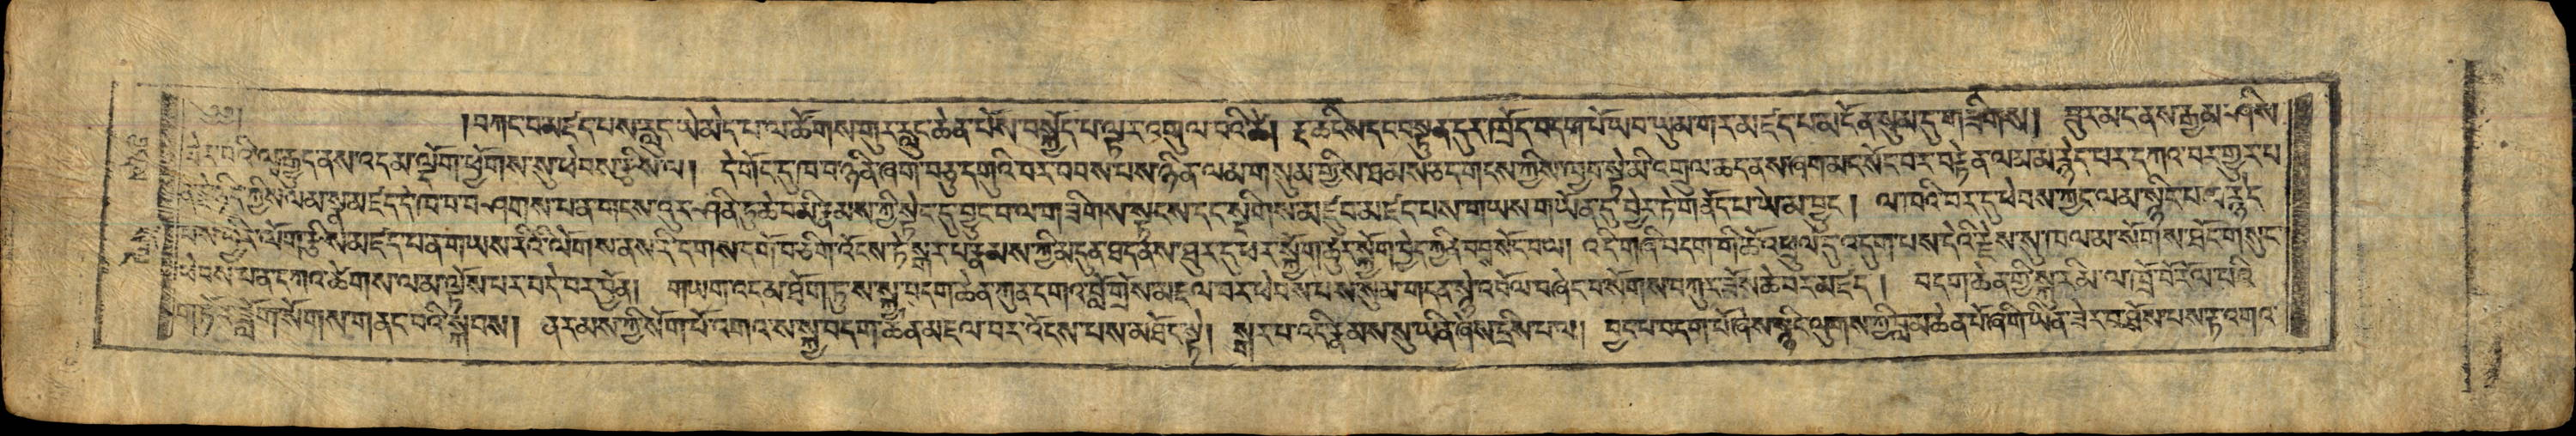༄༅། །བཀང་བ་མཛད་པས་རླུང་ཡེ་མེད་པ་ལ་ཚོགས་གུར་རླུང་ཆེན་པོས་བསྐྱོད་པ་ལྟར་འགུལ་བའི་ཚེ། རྔ་ཆིངས་དང་བསྟུན་དུར་ཁྲོད་བདག་བོ་ཡབ་ཡུམ་གར་མཛད་པ་མངོན་སུམ་དུ་གཟིགས། ཟུར་མང་ནས་རྒྱམ་ཤིས་
ཟེར་བའི་ལ་བརྒྱུད་ནས་འདམ་ལྡོག་ཕྱོགས་སུ་ཕེབས་རྩིས་ལ། དེ་གོང་དུ་ཁ་བ་ཉིན་ཞག་བཅུ་དགུའི་བར་བབས་པས་ཉིན་ལམ་གསུམ་གྱི་ས་ཐམས་ཅད་གངས་ཀྱིས་ཁྱབ་སྟེ་མི་འགྲུལ་ཆང་ནས་ཞག་མང་སོང་བར་བརྟེན་ལམ་མ་རྙེད་པར་དཀའ་བར་གྱུར་པ་
ན་རྗེ་ཉིད་ཀྱིས་ལམ་སྣ་མཛད་དེ་ཁ་བ་བཤགས་པ་ན་གངས་འུར་ཤིན་ཏུ་ཆེ་བ་མི་རྣམས་ཀྱི་སྟེང་དུ་བྱུང་བ་ལ་གཟིགས་སྟངས་དང་སྡིགས་མཛུབ་མཛད་པས་གཡས་གཡོན་དུ་བྱེར་ཏེ་གནོད་པ་ཡེ་མ་བྱུང་། ལ་ཁའི་བར་དུ་ཕེབས་ཀྱང་ལམ་སྙིང་པ་མ་རྙེད་
བས་ཕྱིར་ལོག་རྩིས་མཛད་པ་ན་གཡས་རིའི་ལོགས་ནས་རི་དགས་དོག་བ་ཅིག་འོངས་ཏེ་སྒར་པ་རྣམས་ཀྱི་མདུན་ཐད་ནས་ཐུར་དུ་ཕར་སྐྱོག་ཚུར་སྐྱོག་བྱེད་ཀྱི་ན་བབས་སོང་བ་ལ། འདི་གཞི་བདག་གི་ཆོ་འཕྲུལ་དུ་འདུག་པས་དེའི་རྗེས་སུ་ཁལ་མ་སོགས་ཐོང་གསུང་
ཕེབས་པ་ན་དཀའ་ཚེགས་ལམ་ལྟོས་པར་བདེ་བར་བྱོན། གཡག་འདམ་ཐོག་ཏུ་ས་སྐྱ་བདག་ཆེན་ཀུན་དགའ་བློ་གྲོས་མཇལ་བར་ཕེབས་པས་སུམ་གདན་སྙེ་འབོལ་བཞེང་བ་སོགས་བཀུར་ཟོས་ཆེ་བར་མཛད། བདག་ཆེན་གྱི་སྐུ་རིམ་ལ་ཁྲོ་བོ་རོལ་པའི་
གཏོར་ཟློག་སོགས་གནང་བའི་སྐབས། ནར་མས་ཀྱི་སོག་པོ་འགའ་ས་སྐྱ་བདག་ཆེན་མཇལ་བར་འོངས་པས་མཐོང་སྟེ། སྒར་པ་འདི་རྣམས་སུ་ཡིན་ཞེས་དྲིས་ལ་ལ། བྱང་པ་བདོག་པོ་ཞེས་སྙིང་ལུགས་ཀྱི་བླ་མ་ཆེན་པོ་ཞིག་ཡིན་ཟེར་བ་ཐོས་པས་རྟ་འགའ་